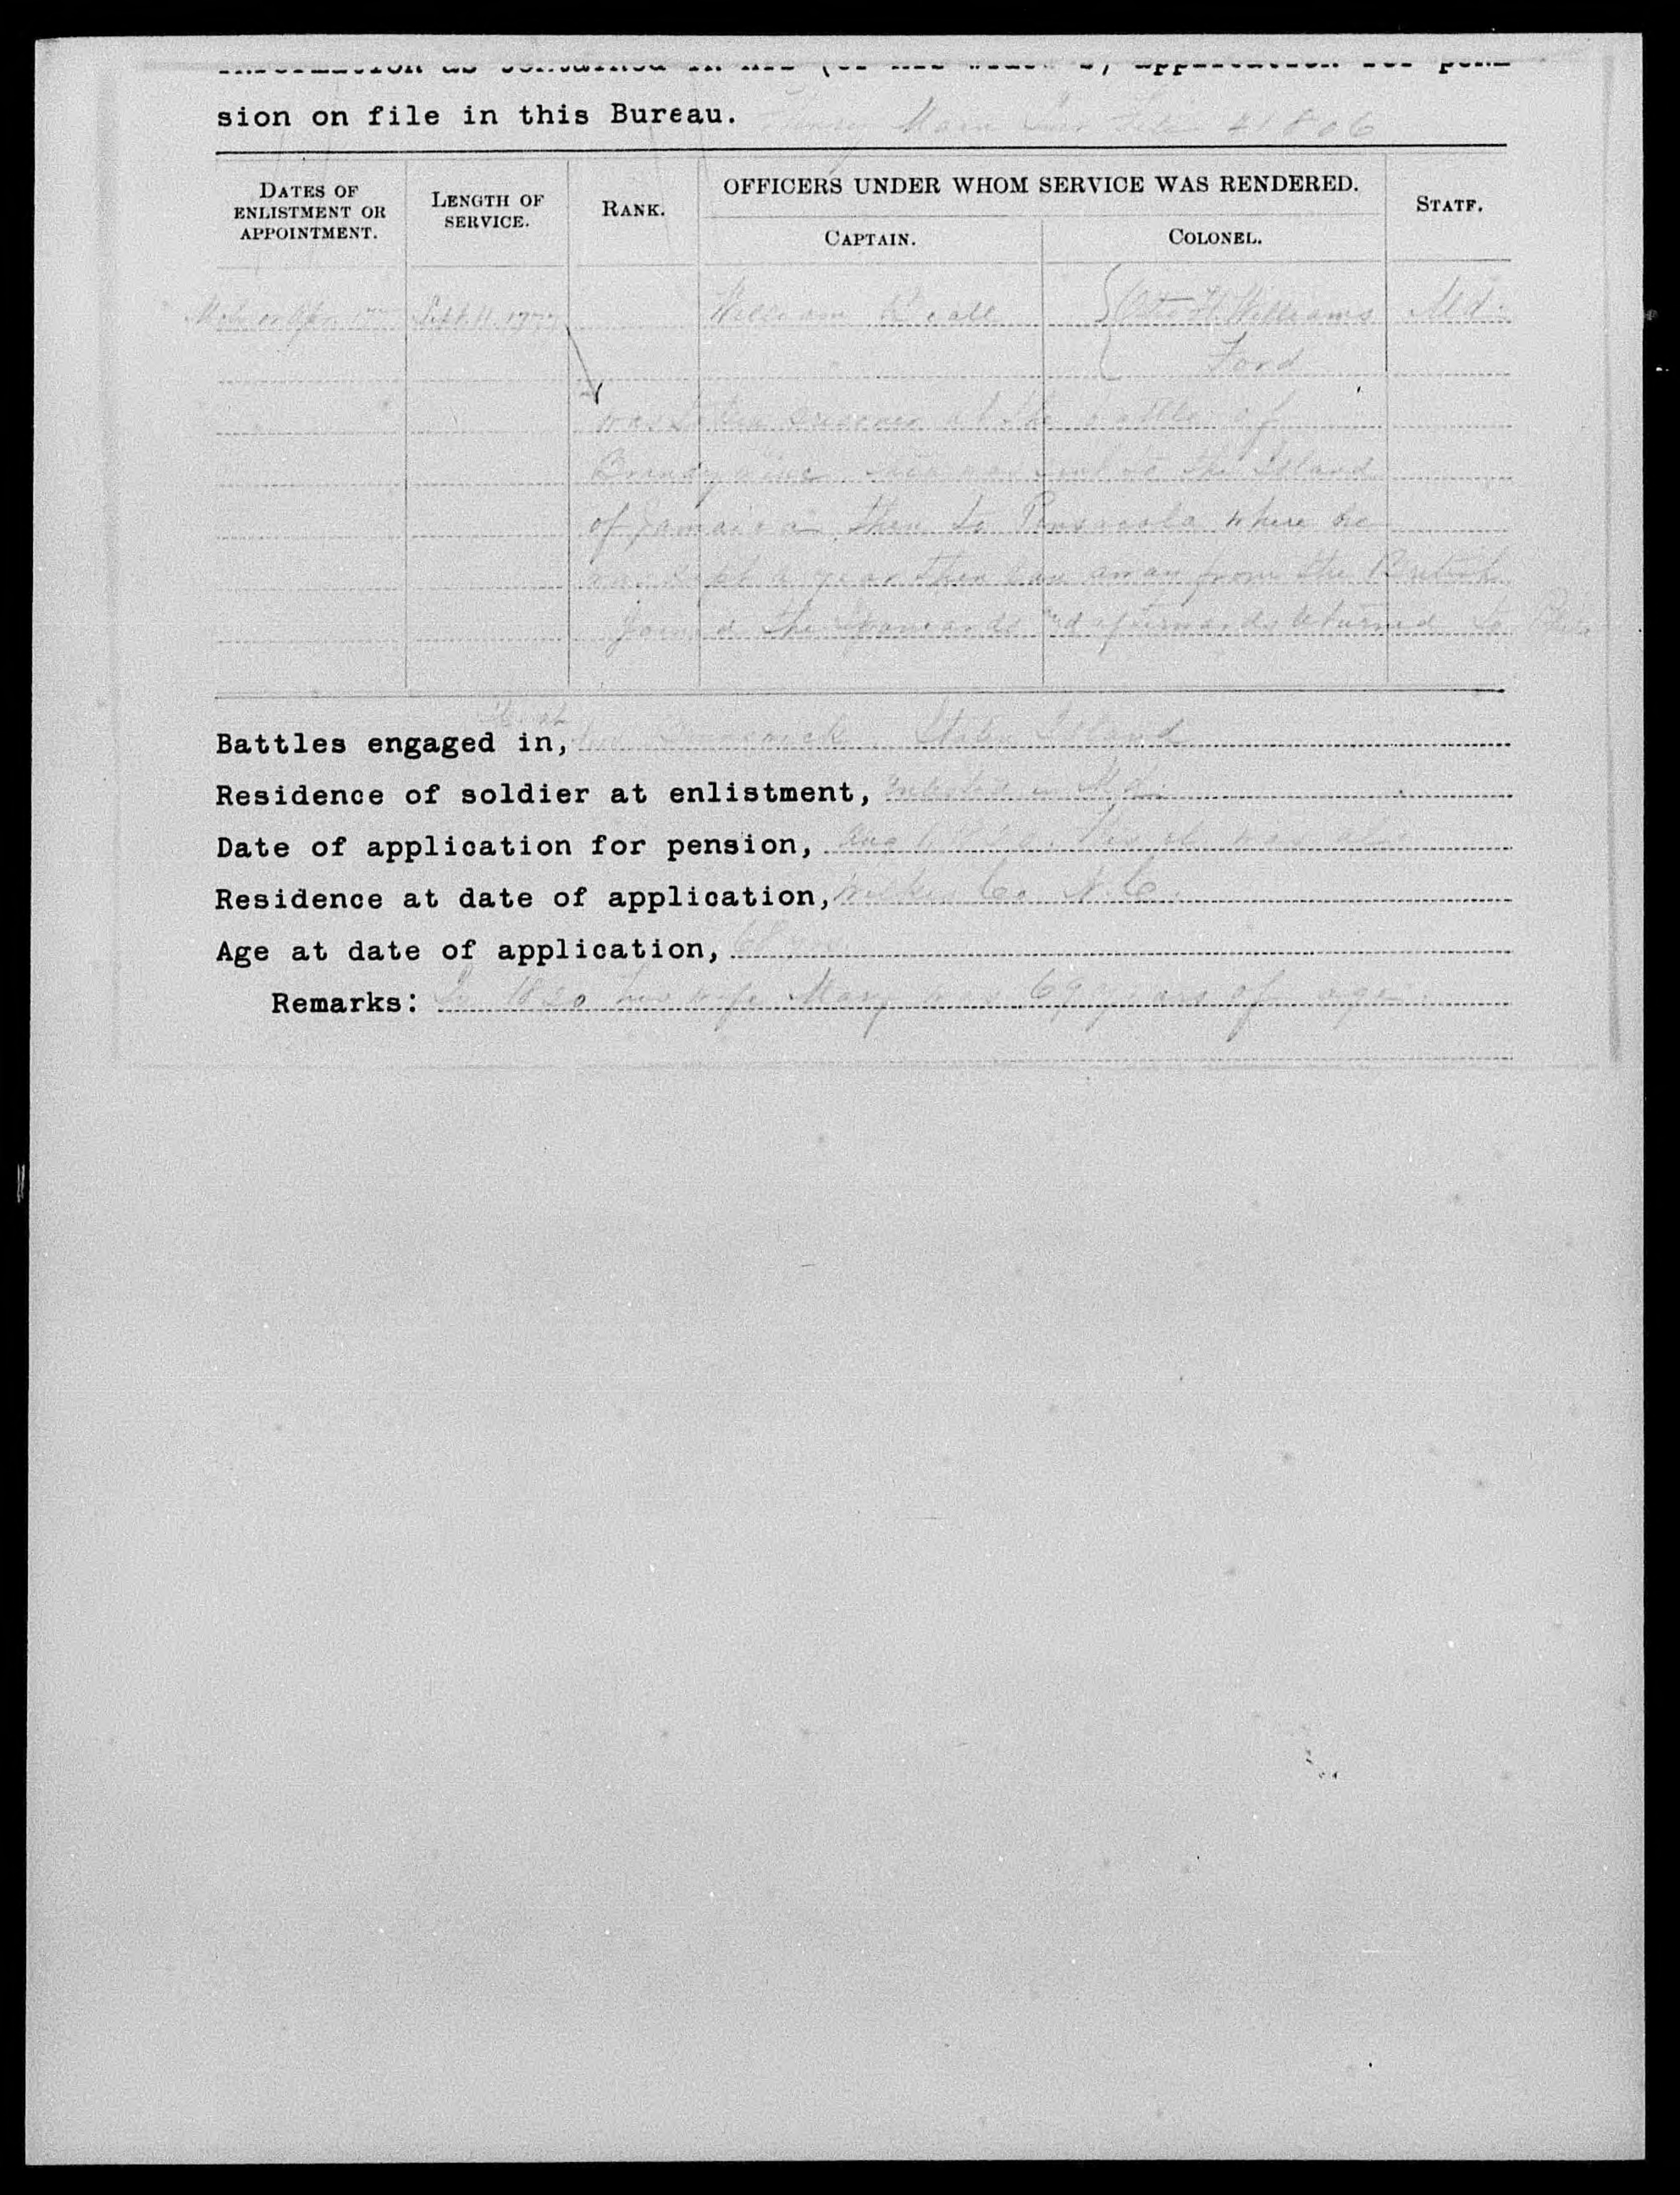sion on file in this Bureau.
DATES OF
ENLISTMENT OR
APPOINTMENT.

LENGTH OF
SERVICE.

RANK.

OFFICERS UNDER WHOM SERVICE WAS RENDERED.
CAPTAIN.    
William Beall
COLONEL.
H. Williams Ford

STATE
Md.

was taken prisoner at the battle of Brandywine
was sent to the island of Jamaica and then to Pensacola where he was kept a year and then ran away from the British.  Joined the Spaniards and afterwards returned to Phila


Battles engaged in...New Brunswick, Staten Island
Residence of soldier at enlistment,...enlisted in Md.
Date of application for pension,...Aug 1 1820 [illegible]
Residence at date of application, ..Wilkes Co N.C.
Age at date of application,..68 years
Remarks: In 1820 his Wife Mary was 69 years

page: 7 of 13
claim: survivor's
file: S. 41806, for Henry Main, Maryland